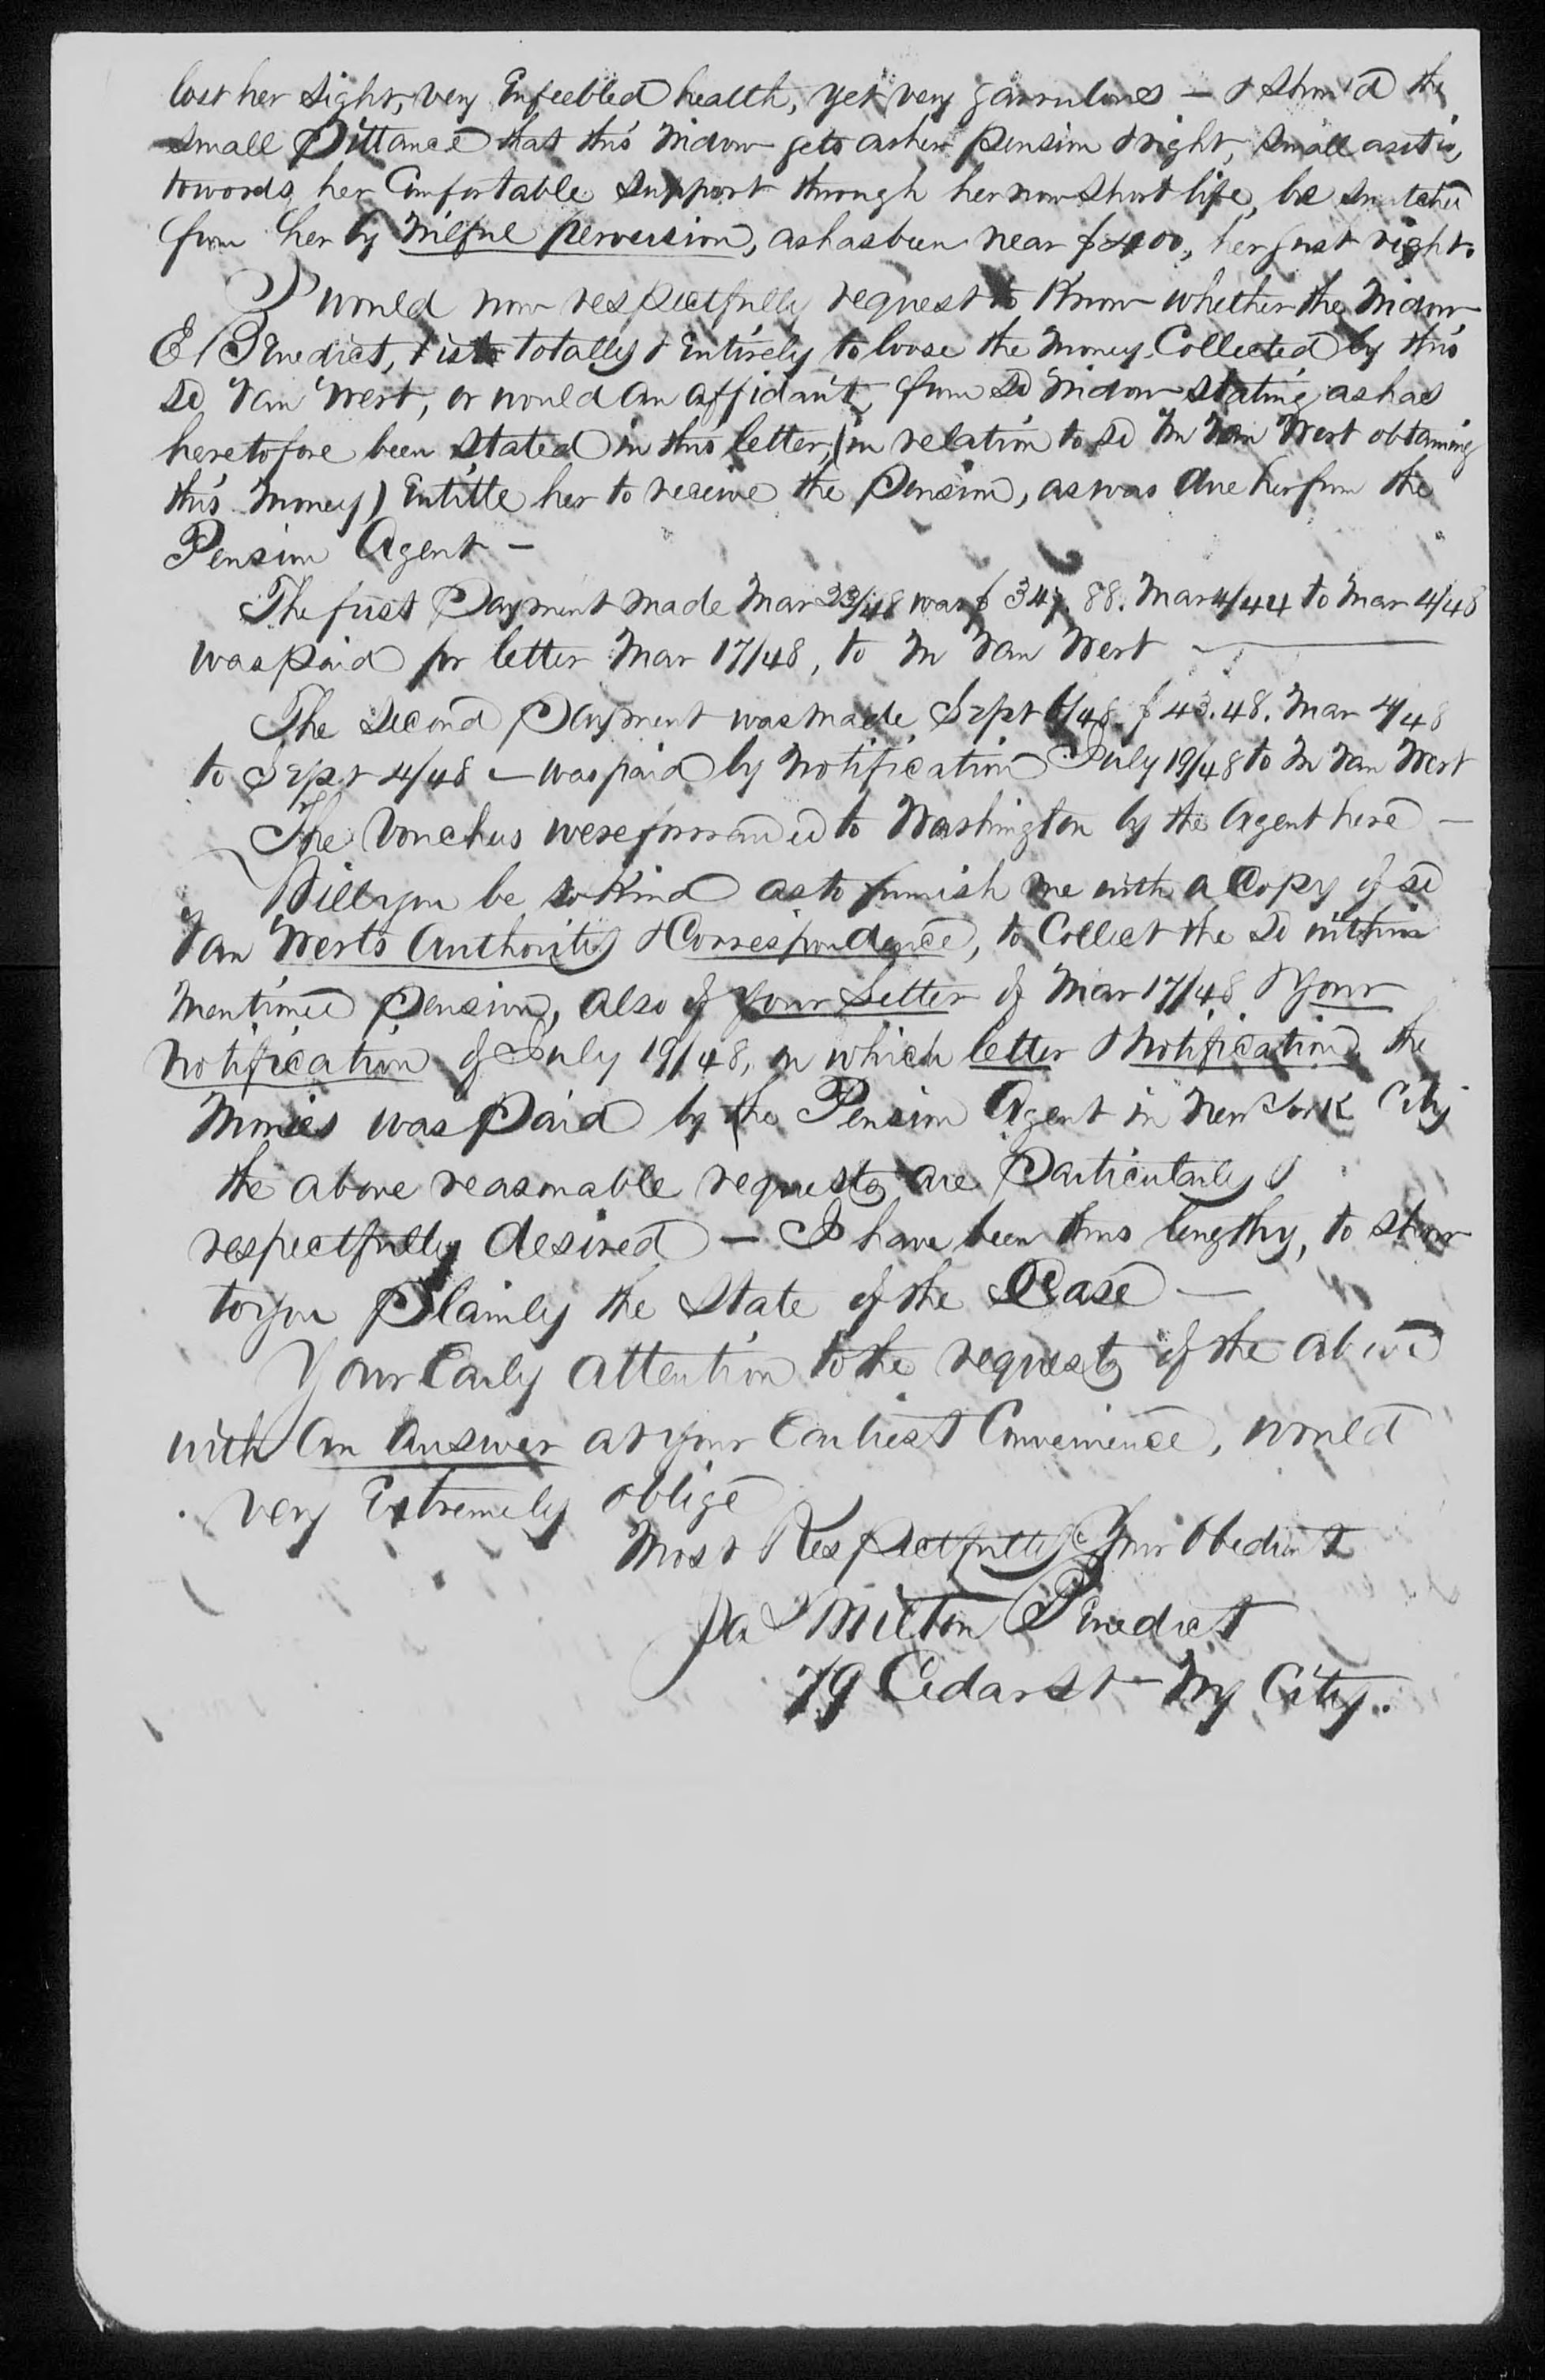lost her sight, very enfeebled health, yet very garrulous - & had the
small pittance that this widow gets as her pension & right, small as it is
towards her comfortable support through her now short life, be snatched
from her by Wilful perversion, as has been near $400, her just right.
    I would now respectfully request to know whether the widow
E Benedict, is totally & entirely to loose the money collected by this
sd Van West, or would an affidavit from sd widow stating as has
heretofore been stated in this letter in relation to sd Mr Van West obtaining
this money, entitle her to receive the Pension, as was one hopes form the
Pension Agent -
     The first payment made Mar 23/48 was $347.88. Mar 4/44 to Mar 4/48
was paid for letter May 17/48, to in Mr Van West
     The second payment was made Sept 4/48 $43.48. Mar 4/48
to Sept 4/48 - was paid by Notification July 19/48 to mr Van West
     The vouchers were forwarded to Washington by the Agent here-
    Will you be so kind as to furnish me with a copy of sd
Van Wests Authoritiy & correspondence, to collect the sd within
mentioned pension, also of your Letter of Mar 17/48. & Your
notification of July 19/48, on which letter & notification the
Monies was paid by the Pension Agent in New York City
the above reasonable requests are particularly
respectfully desired - I have been this lengthy to show
to you plainly the State of the case
     Your early attention to the request of the above
with an answer at your earliest  convenience, would
very extremely oblige
                                   Most Respectfully your obedient
                                     Jas Milton Benedict
                                             79 Cedar St N Y City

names: Van Wert, Jas Milton Benedict, E Benedict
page: 37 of 56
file: [ILLEGIBLE], Jonah Benedict, Conn.